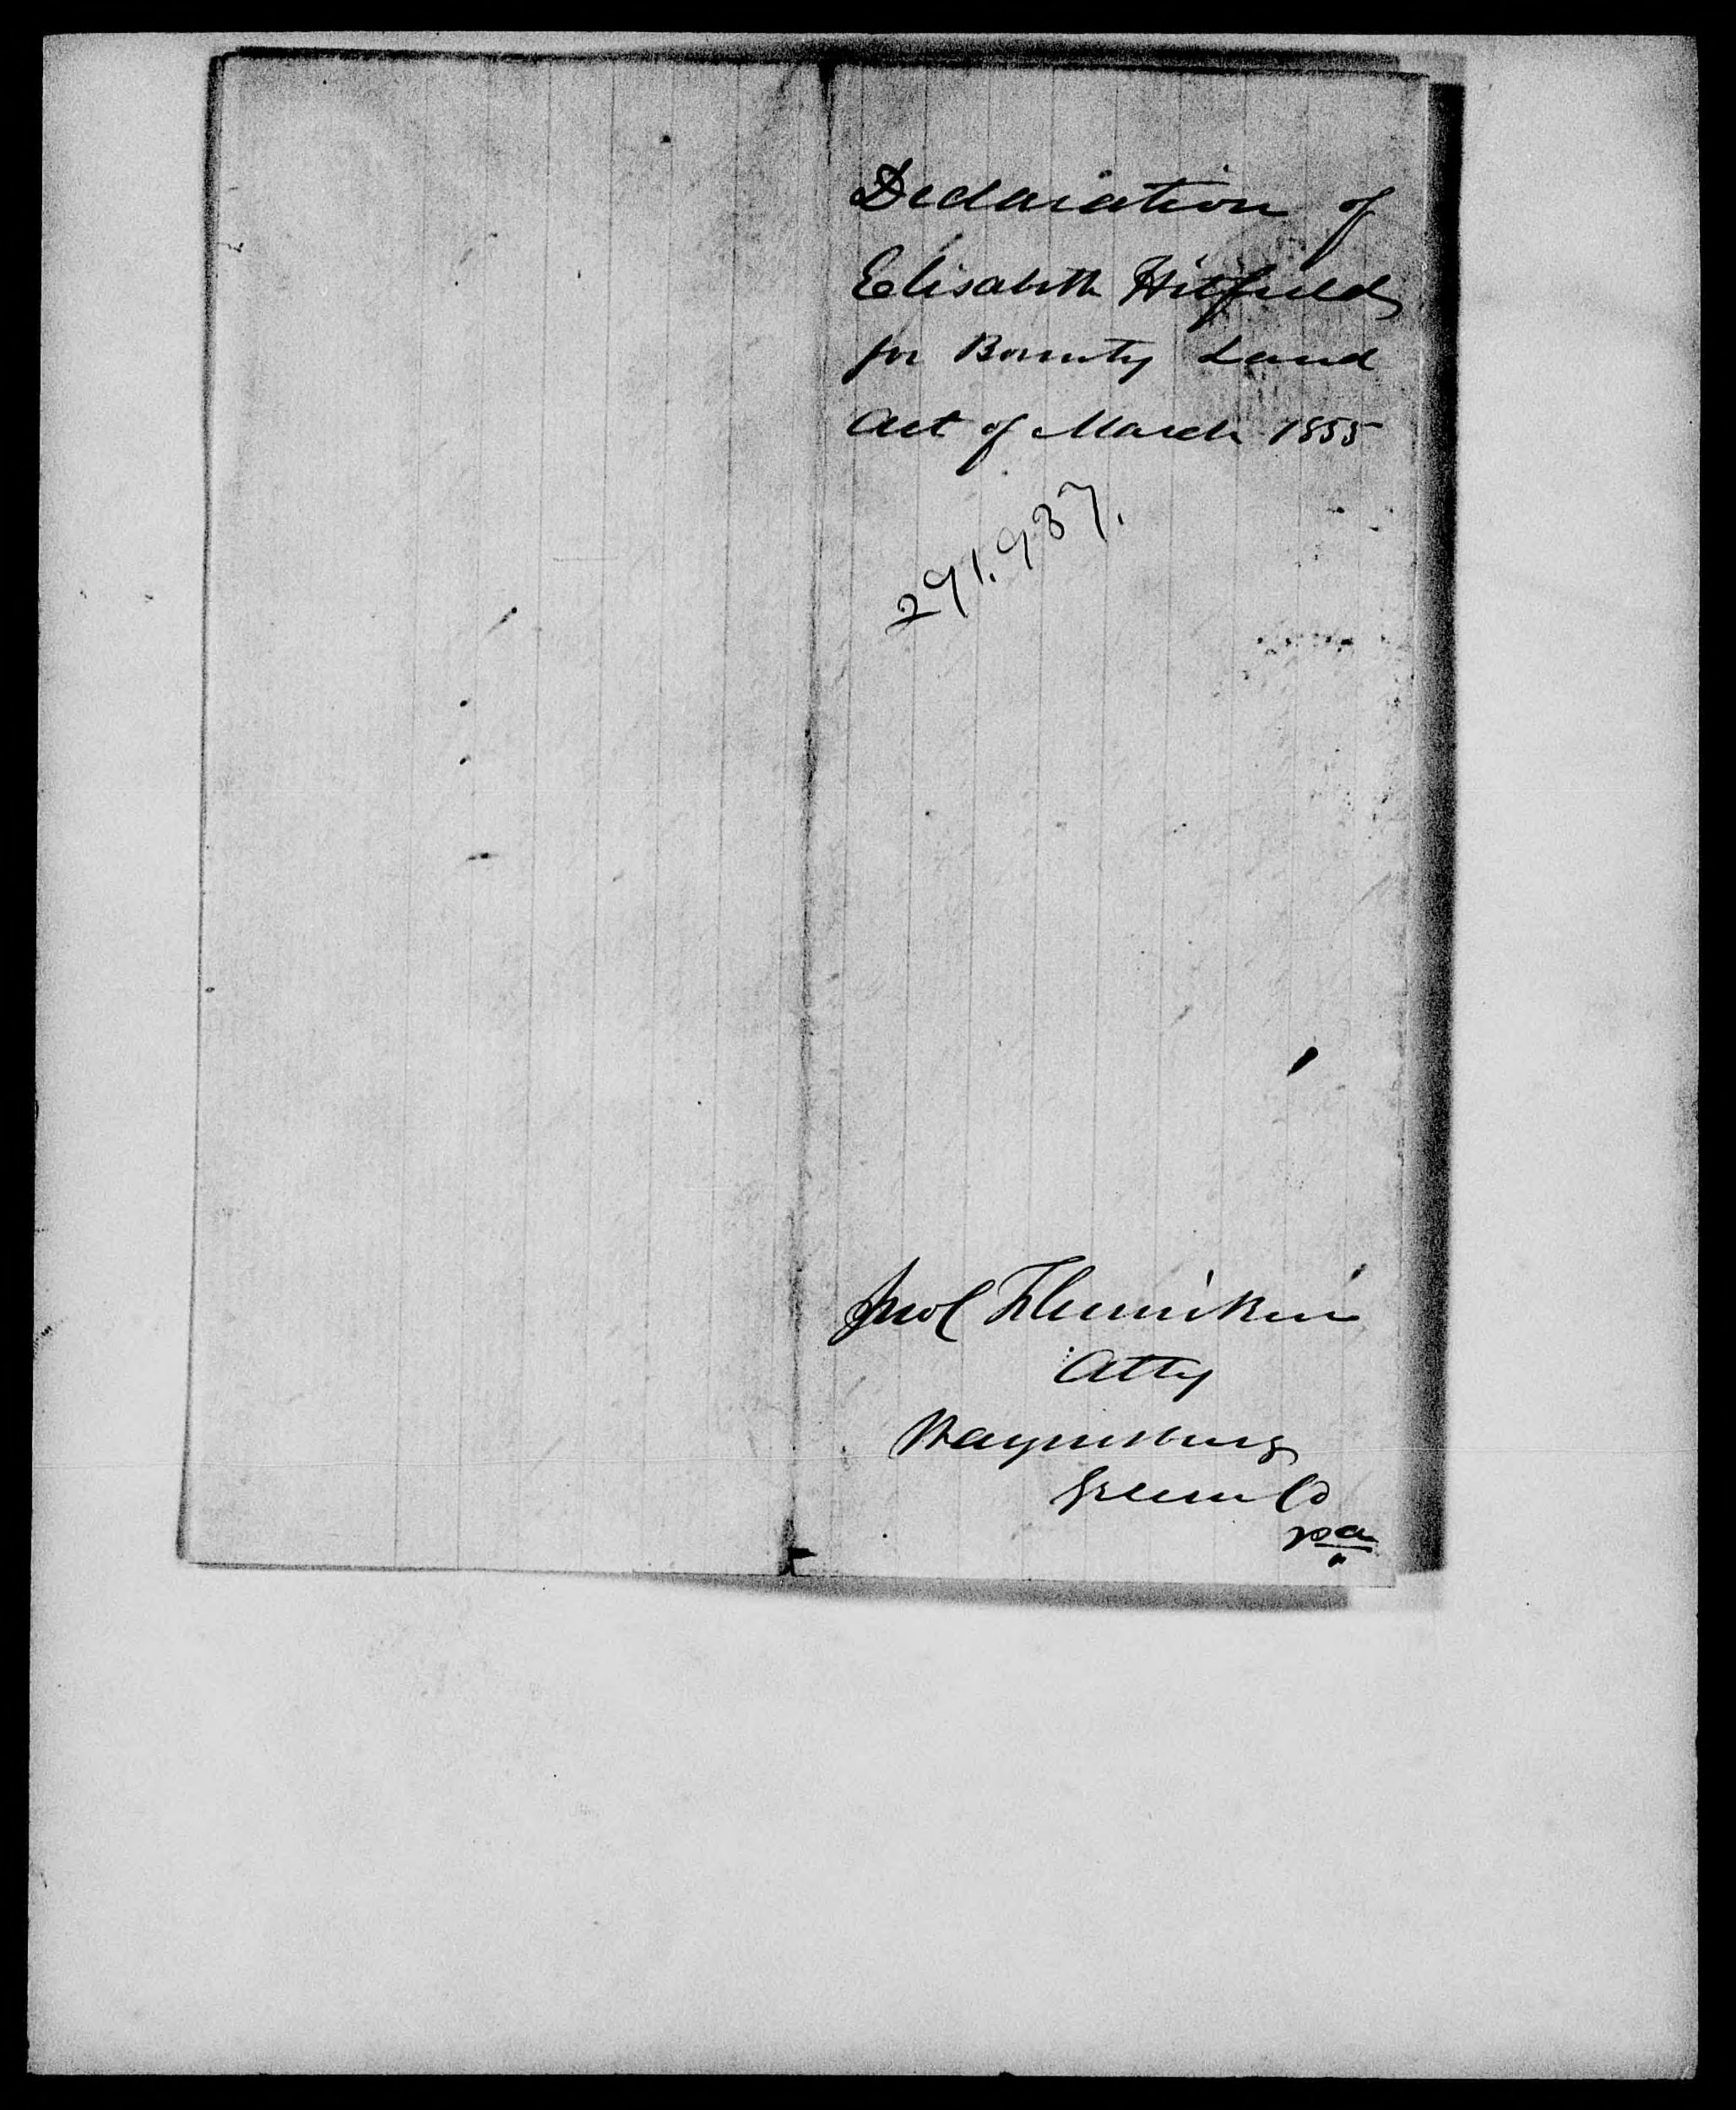Declaration of
Elisabeth Hitfield    [outline of a seal]
for Bounty Land
Act of March 1855
291.987.

Jno C Flenniken
Atty
Waynesburg
GreeneCo
Pa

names: Jno C Flenniken, Elisabeth Hitfield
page: 18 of 45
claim: widow's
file: W. 2734, Stephen Hetfield, New Jersey